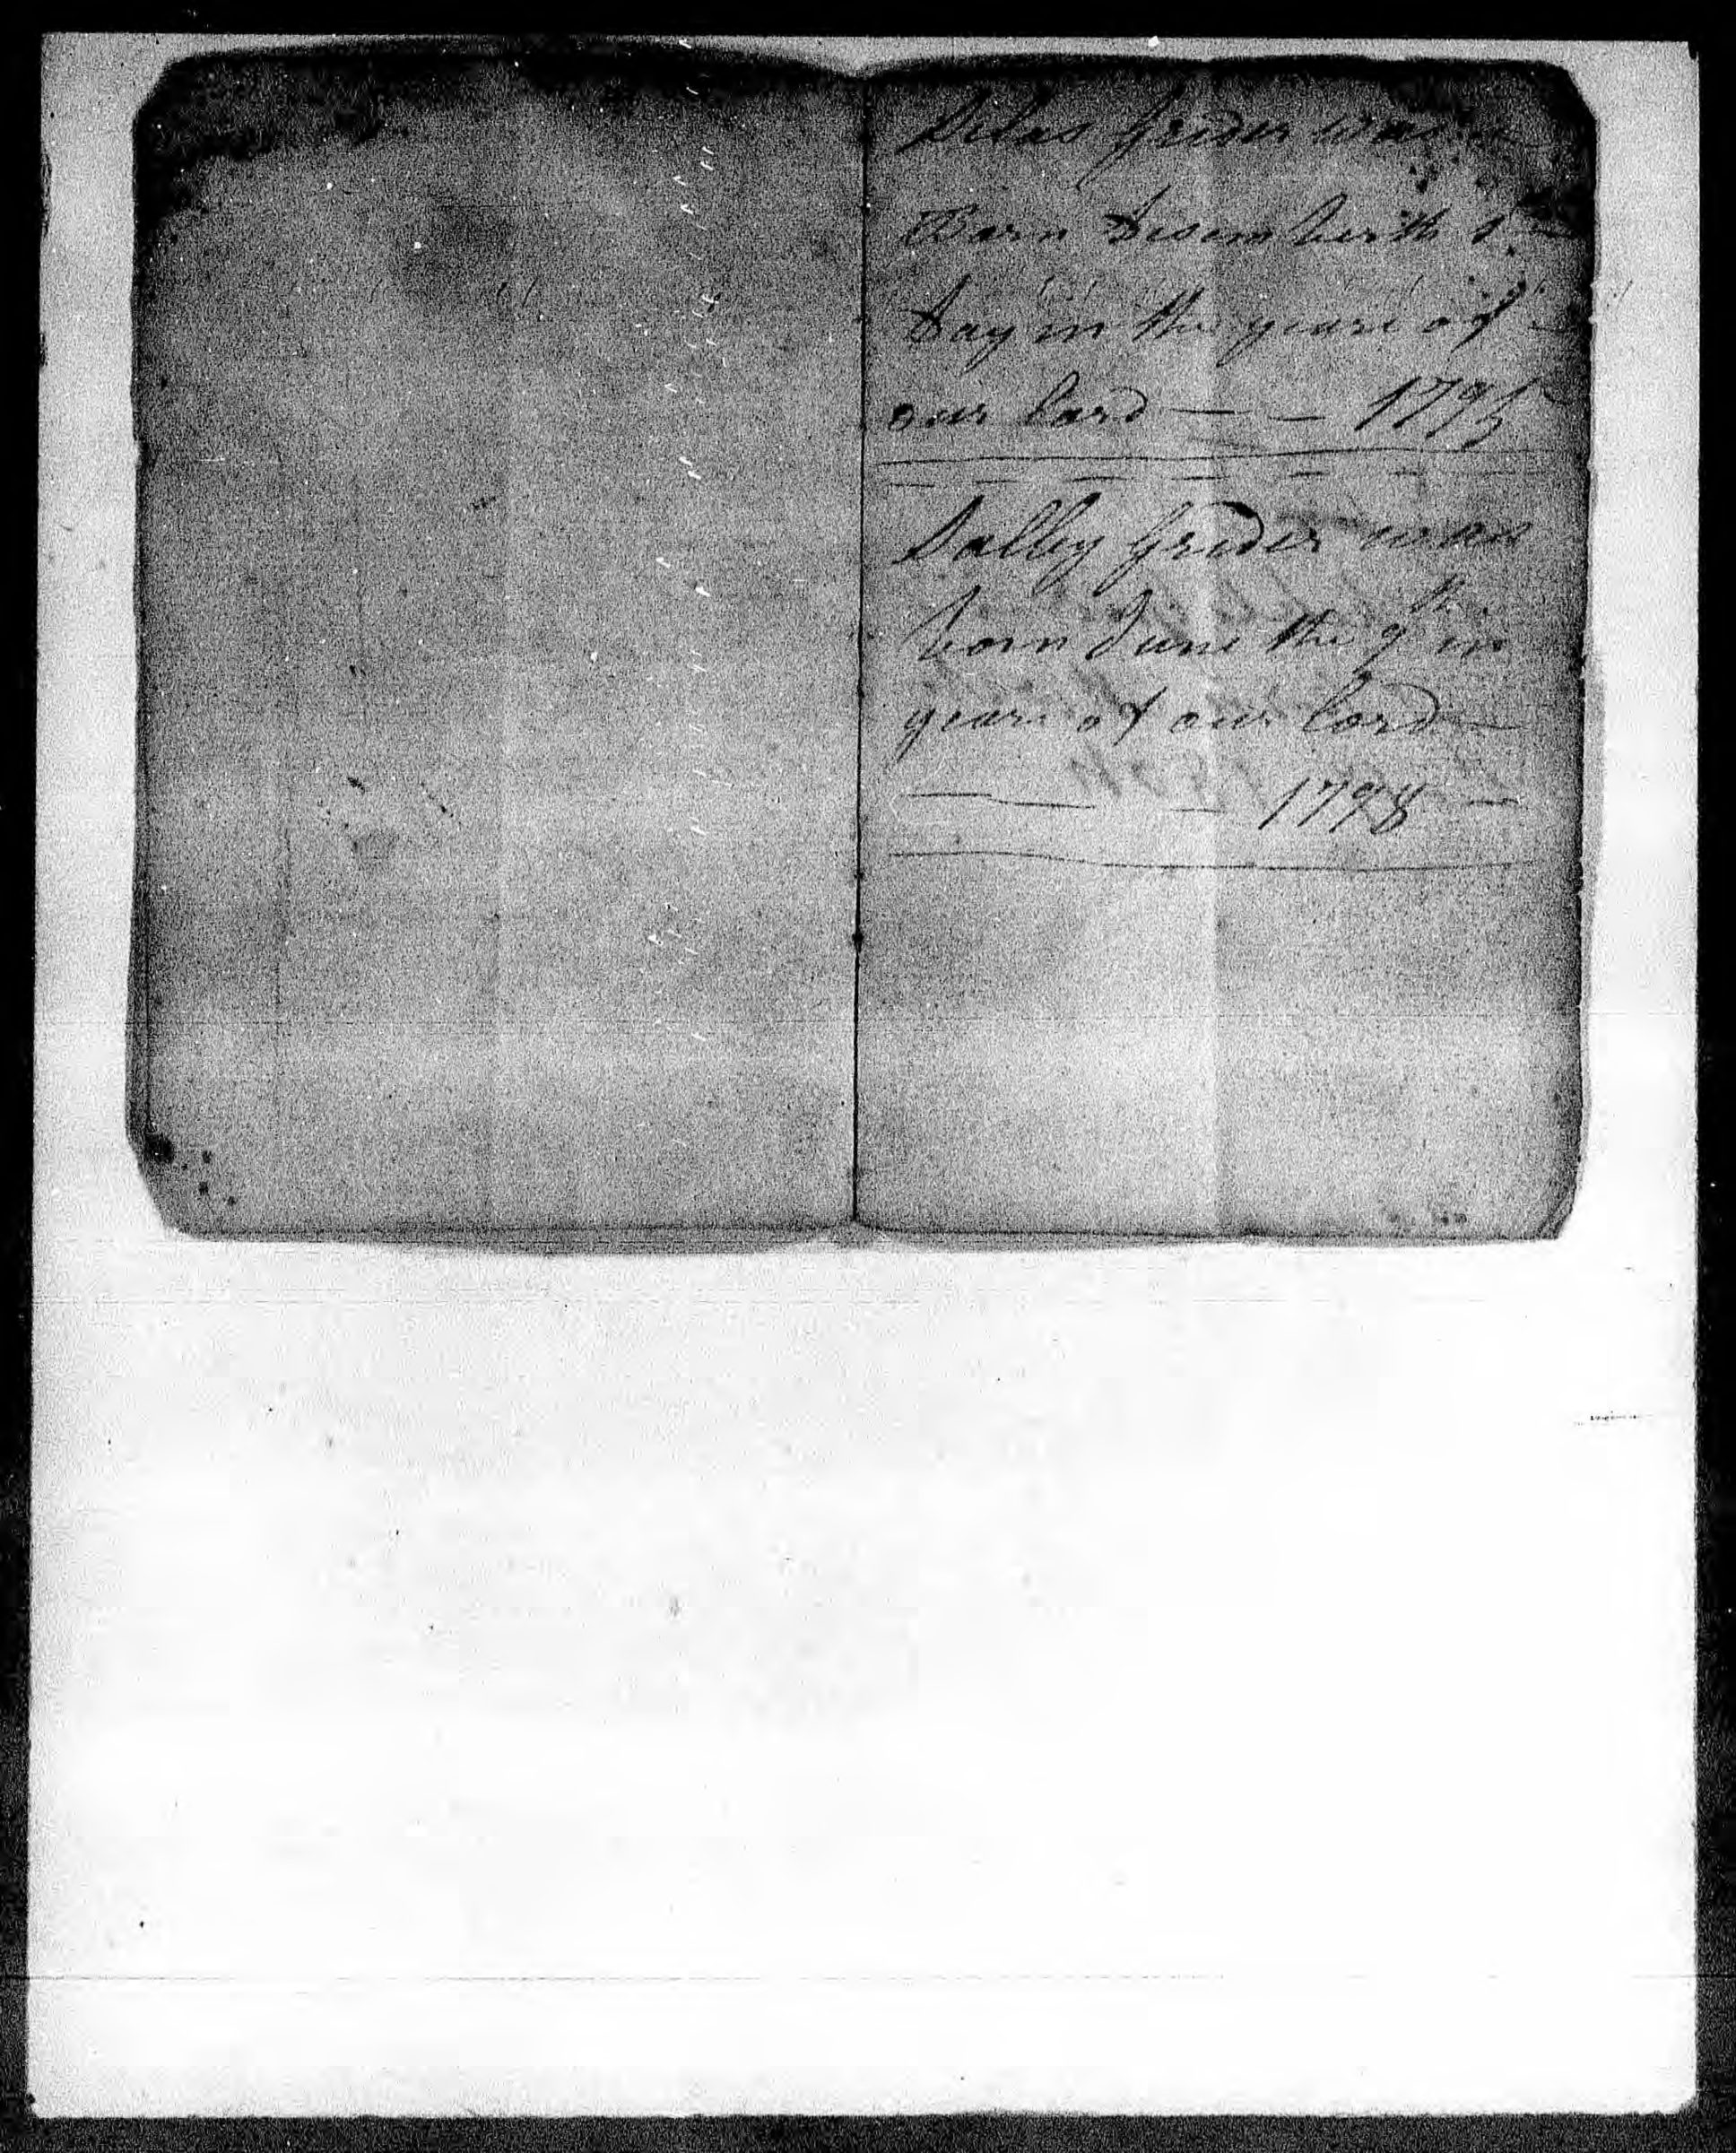Silas Grider was 
Born September the [illegible]
day in the year of 
our lord    1795

Sally Grider was
born June the 9th in 
year of our lord
1798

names: Salley Grider, Silas Grider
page: 27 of 91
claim: widow's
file: W 358, John Grider, N.C.